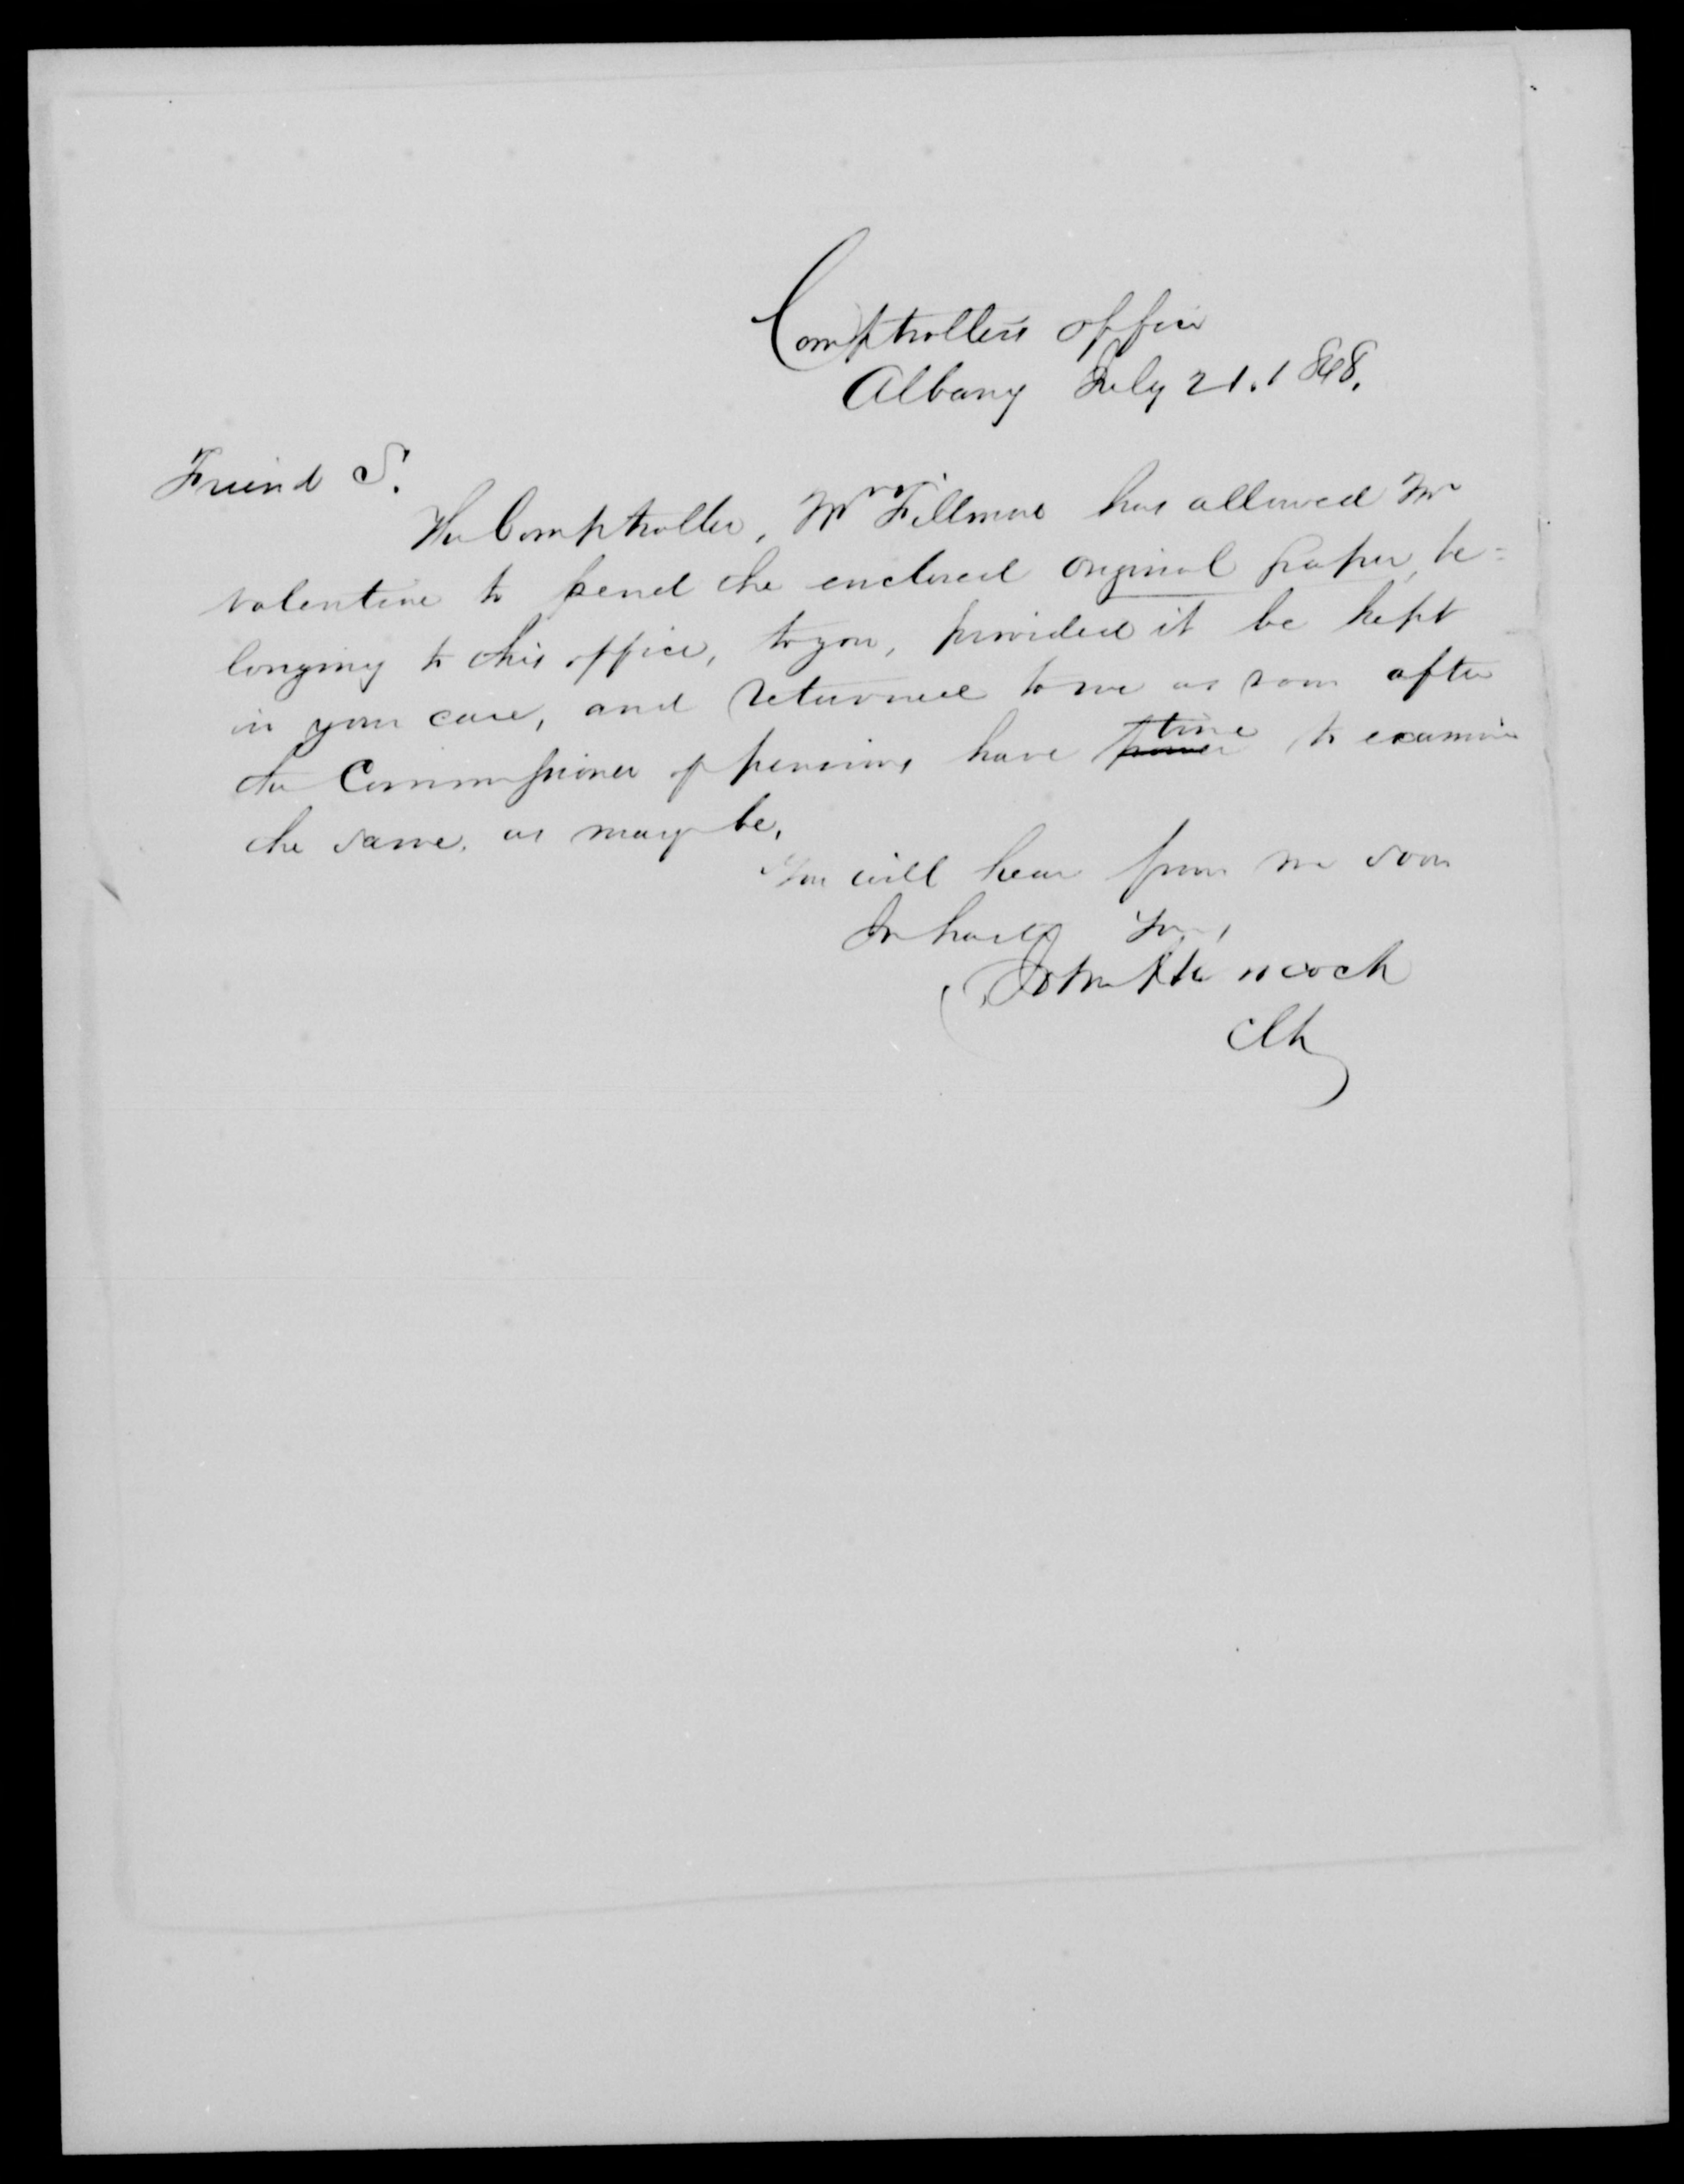Comptroller's office
Albany  July 21. 1848

Friend S.
 The Comptroller, Wm Fillmore has allowed Mr Valentine to send the enclosed original paper, belonging to this office, to you, provided it be kept in your care, and returned to me as soon after the Commissioner of pensions have time to examine the same, as may be.
 You will hear from me soon
 In haste    Yours
  John Hancock  Clk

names: [BLANK] Valentine; John Hancock; [BLANK] Tillmon; S [BLANK]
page: 68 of 77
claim: survivor's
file: S. 23003, for Silas Southerland, New York